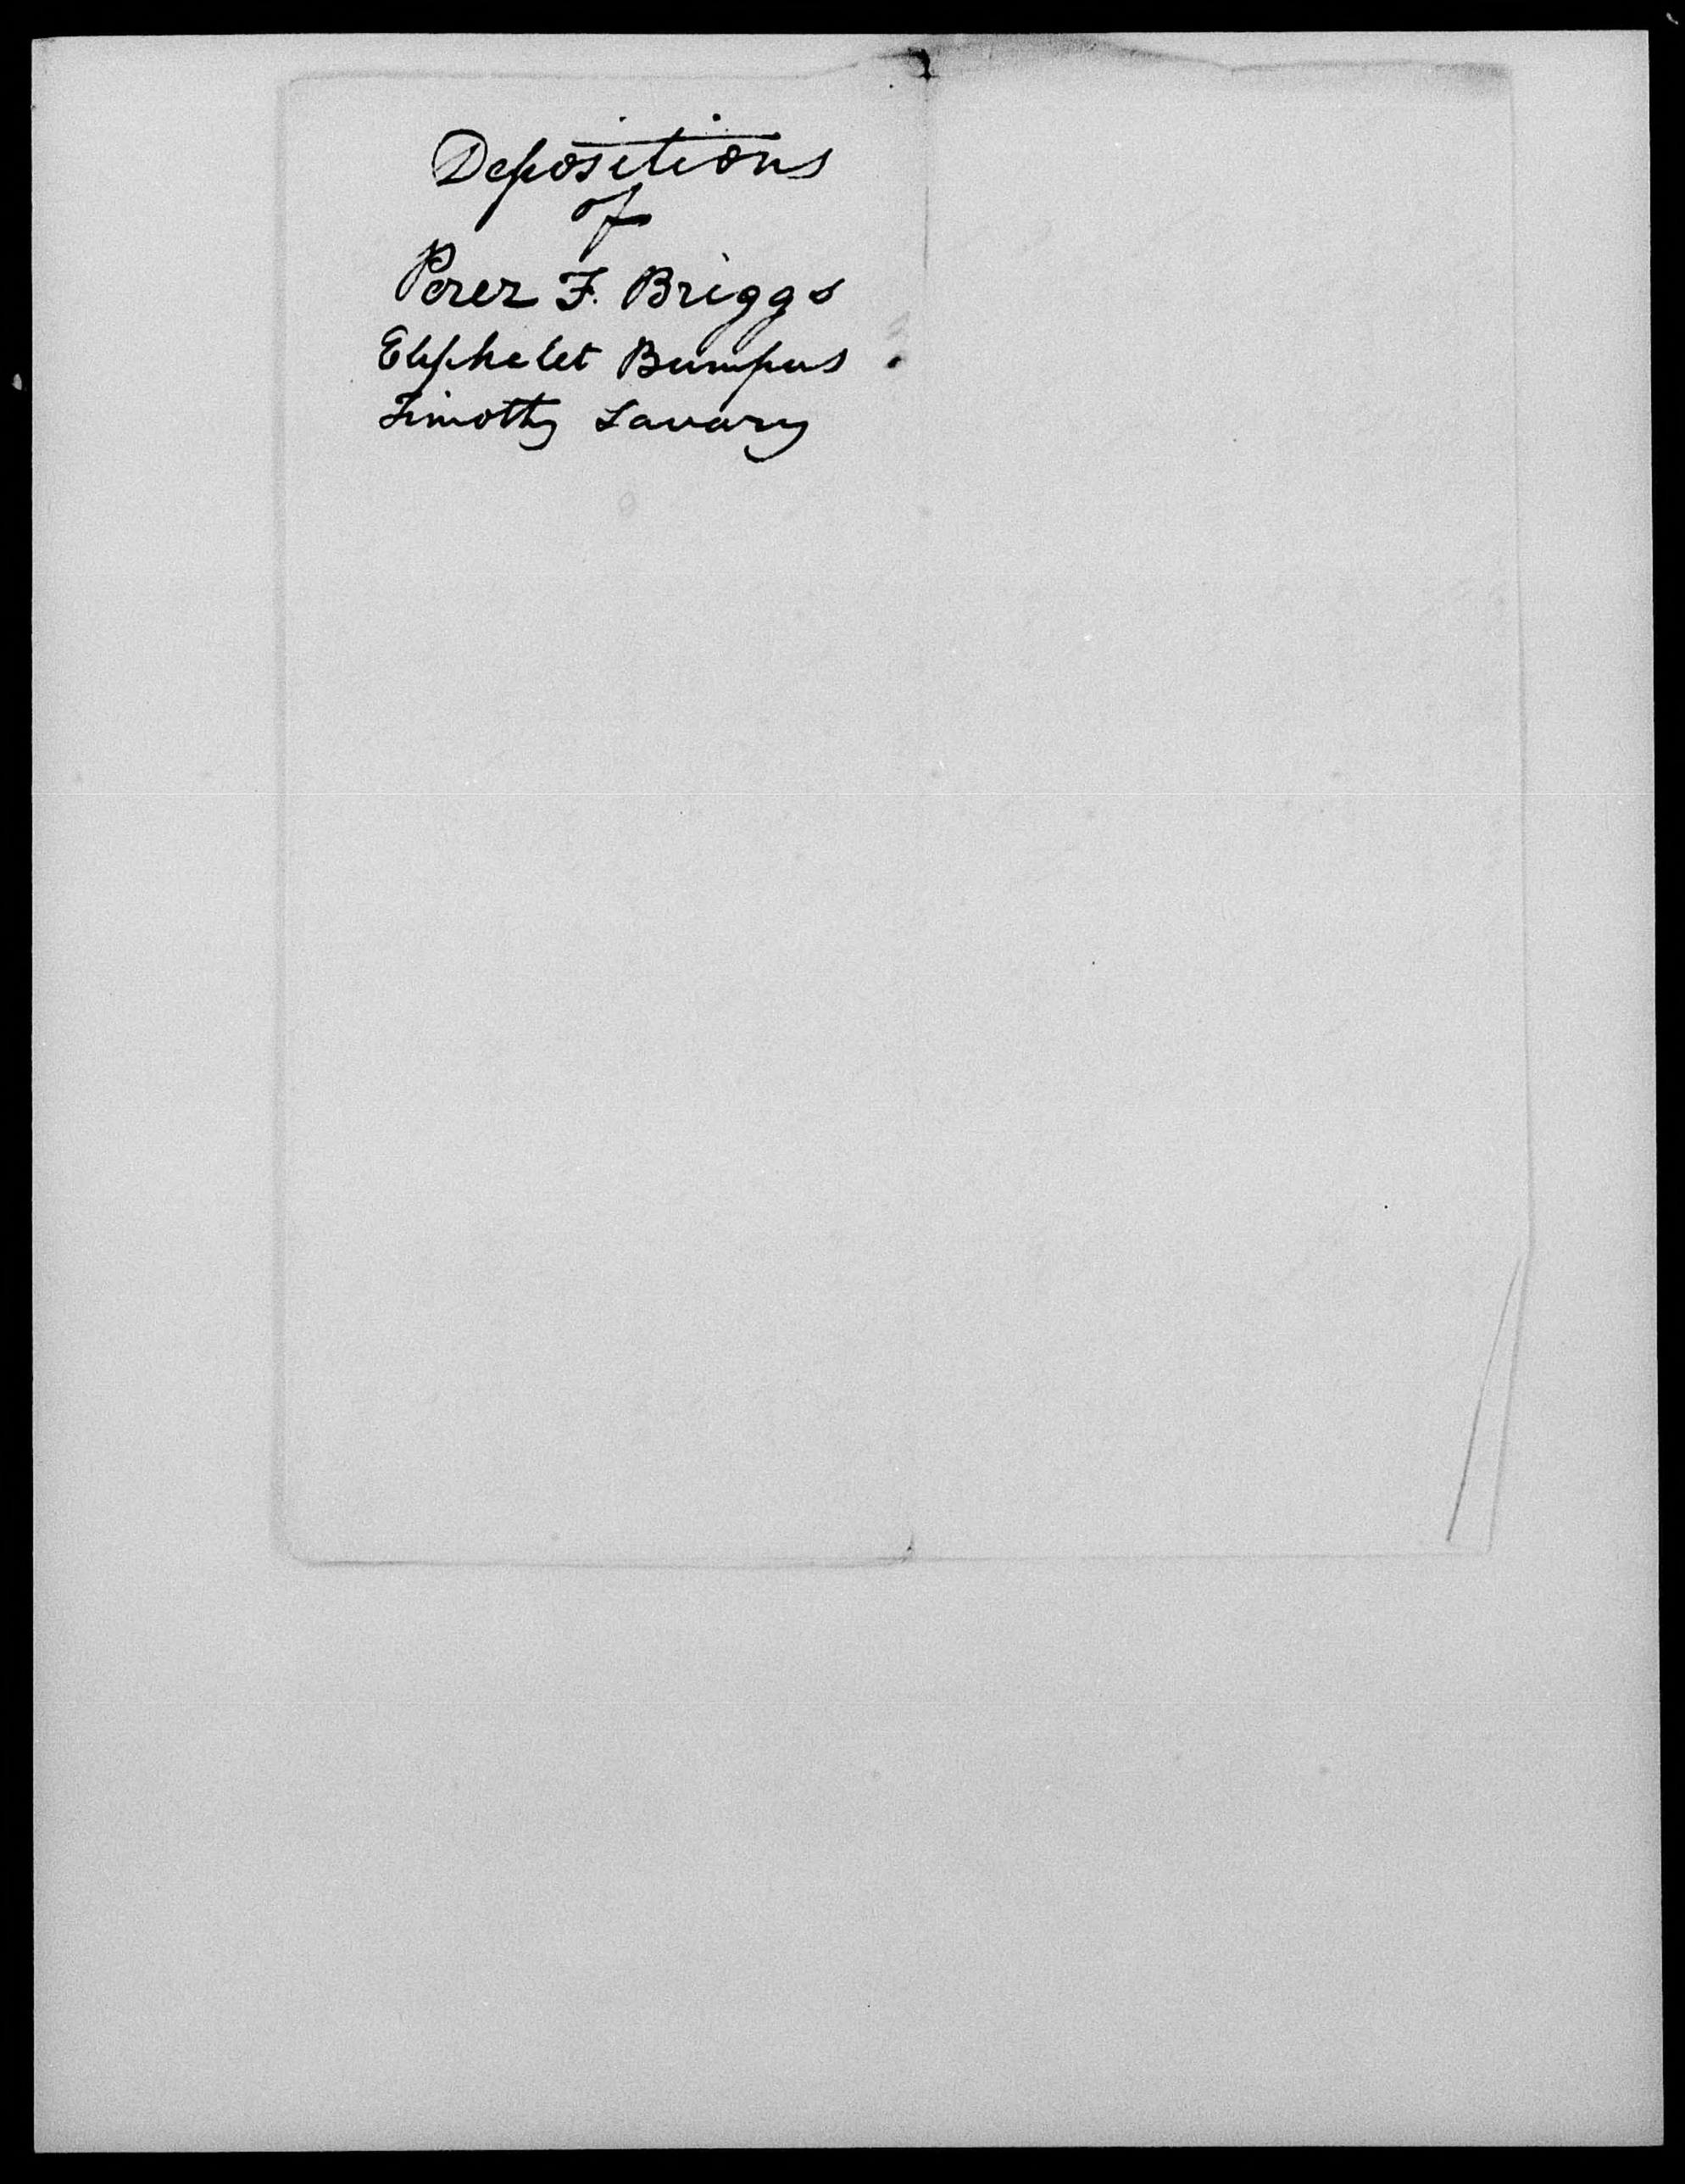Depositions
of
Perez F. Briggs
Eliphelet Bumpus
Timothy Savary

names: Timothy Savary; Eliphelet Bumpus; Perez F Briggs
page: 30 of 82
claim: widow's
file: W. 13,634, for Rufus Lincoln, Massachusetts